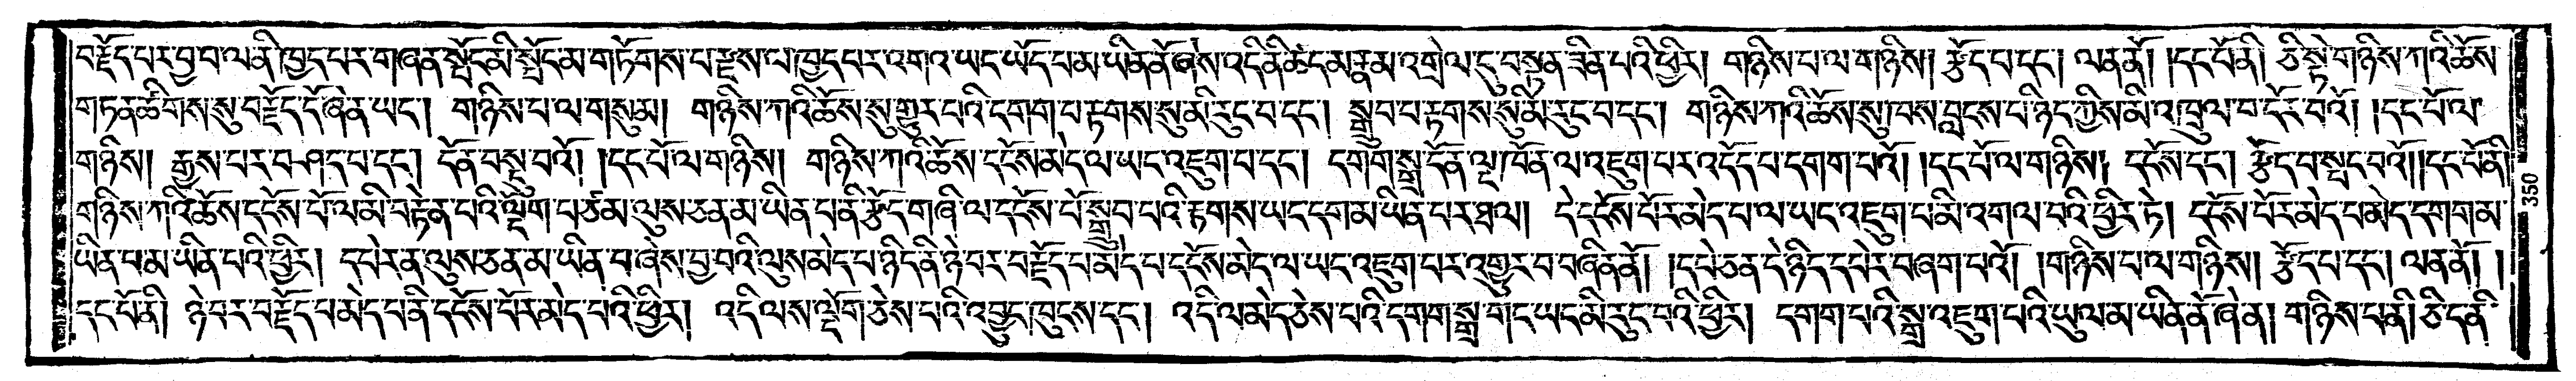བརྗོད་པར་བྱ་བ་ལ་ནི་ཁྱད་པར་གཞན་སྤོང་མི་སྤོང་མ་གཏོགས་པ་རྫས་ལ་ཁྱད་པར་འགའ་ཡང་ཡོད་པ་མ་ཡིན་ནོ་ཞེས་འདི་ནི་ཚད་མ་རྣམ་འགྲེལ་དུ་བསྟན་ཟིན་པའི་ཕྱིར། གཉིས་པ་ལ་གཉིས། རྩོད་པ་དང་། ལན་ནོ། །དང་པོ་ནི། ཅི་སྟེ་གཉིས་ཀའི་ཆོས་
གཏན་ཚིགས་སུ་བརྗོད་དོ་ཞེ་ན་ཡང་། གཉིས་པ་ལ་གསུམ། གཉིས་ཀའི་ཆོས་སུ་གྱུར་པའི་དགག་པ་རྟགས་སུ་མི་རུང་བ་དང་། སྒྲུབ་པ་རྟགས་སུ་མི་རུང་བ་དང་། གཉིས་ཀའི་ཆོས་སུ་ཁས་བླངས་པ་ཉིད་ཀྱིས་མི་འཁྲུལ་བ་དོར་བའོ། །དང་པོ་ལ་
གཉིས། རྒྱས་པར་བཤད་པ་དང་། དོན་བསྡུ་བའོ། །དང་པོ་ལ་གཉིས། གཉིས་ཀའི་ཆོས་དངོས་མེད་ལ་ཡང་འཇུག་པ་དང་། དགག་སྒྲ་དོན་ལྔ་ཁོ་ན་ལ་འཇུག་པར་འདོད་པ་དགག་པའོ། །དང་པོ་ལ་གཉིས། དངོས་དང་། རྩོད་པ་སྤང་བའོ། །དང་པོ་ནི་
གཉིས་ཀའི་ཆོས་དངོས་པོ་ལ་མི་བརྟེན་པའི་ལྡོག་པ་ཙམ་ལུས་ཅན་མ་ཡིན་པ་ནི་རྩོད་གཞི་ལ་དངོས་པོ་སྒྲུབ་པའི་རྟགས་ཡང་དག་མ་ཡིན་པར་ཐལ། དེ་དངོས་པོར་མེད་པ་ལ་ཡང་འཇུག་པ་མི་འགལ་པའི་ཕྱིར་ཏེ། དངོས་པོར་མེད་དགག་མ་
ཡིན་པ་མ་ཡིན་པའི་ཕྱིར། དཔེར་ན་ལུས་ཅན་མ་ཡིན་པ་ཞེས་བྱ་བའི་ལུས་མེད་པ་ཉིད་ནི་ཉེ་བར་བརྗོད་པ་མེད་པ་དངོས་མེད་ལ་ཡང་འཇུག་པར་འགྱུར་བ་བཞིན་ནོ། །དཔེ་ཅན་དེ་ཉིད་དཔེར་བཞག་པའོ། །གཉིས་པ་ལ་གཉིས། རྩོད་པ་དང་། ལན་ནོ། །
དང་པོ་ནི། ཉེ་བར་བརྗོད་པ་མེད་པ་ནི་དངོས་པོར་མེད་པའི་ཕྱིར། འདི་ལས་ལྡོག་ཅེས་པའི་འབྱུང་ཁུངས་དང་། འདི་ལ་མེད་ཅེས་པའི་དགག་སྒྲ་གང་ཡང་མི་རུང་བའི་ཕྱིར། དགག་པའི་སྒྲ་འཇུག་པའི་ཡུལ་མ་ཡིན་ནོ་ཞེ་ན། གཉིས་པ་ནི། ཅི་ད་ནི་